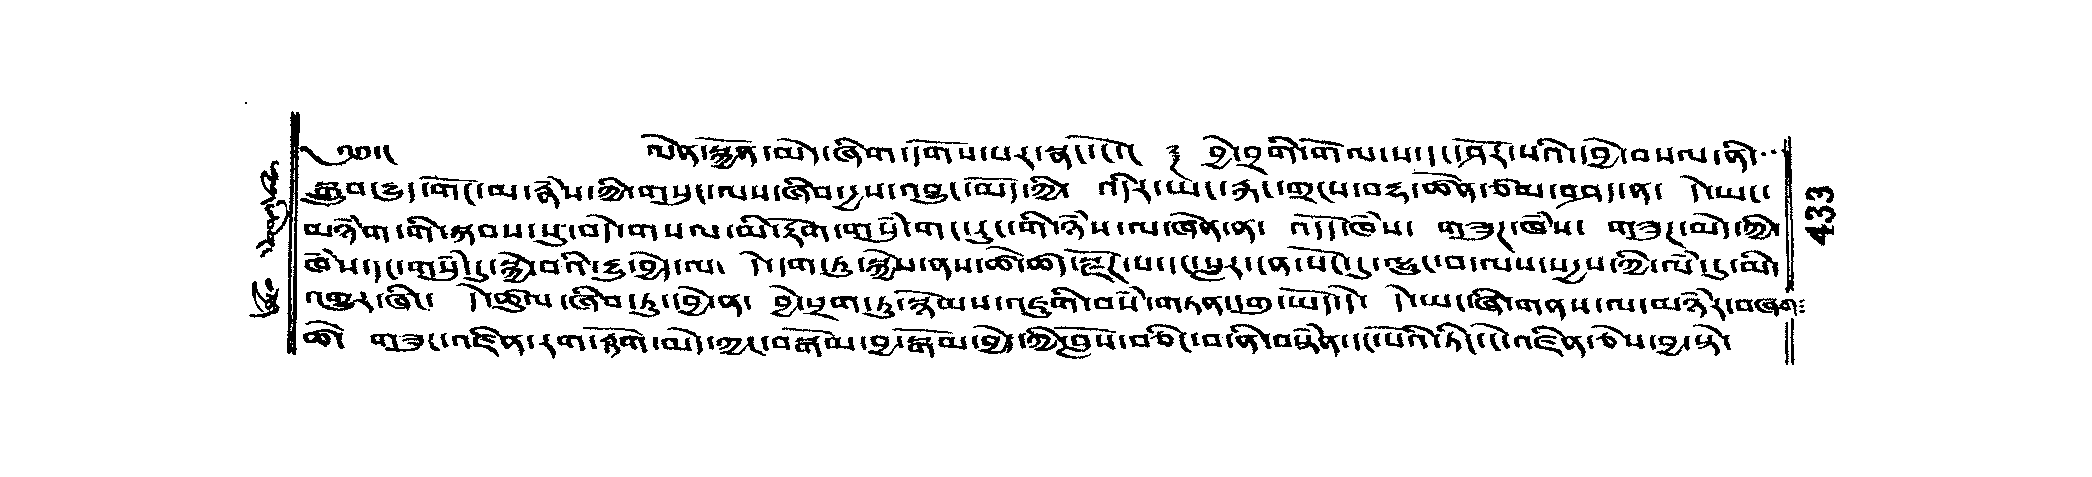ལེན་སྐྱོན་མེད་ཞིག་དགོས་པར་སྣང་ངི། བྱེ་བྲག་གི་གོལ་ས་དང་ཤོར་སའི་དབྱེ་བ་ནི་
སྒྲུབ་རྒྱུད་གོང་མ་རྣམས་ཀྱི་གསུང་ལས་ཞིབ་རྒྱས་འབྱུང་མོད་ཀྱི། འདིར་ཡང་རྐང་གྲངས་བརྡ་ཚོན་ཙམ་བཤད་ན། དེ་ཡང་
མཉམ་བཞག་གི་སྐབས་སུ་བདེ་གསལ་མི་རྟོག་གསུམ་གང་རུང་གི་ཉམས་ལ་ཞེན་ན། འདོད་ཁམས། གཟུགས་ཁམས། གཟུགས་མེད་ཀྱི་
ཁམས་དང་གསུམ་དུ་སྐྱེ་བའི་རྒྱུ་བྱེད་ལ། དེ་དག་ཏུ་སྐྱེས་ནས་ཚེ་ཚད་རྫོགས་པ་དང་སླར་ངན་སོང་དུ་ལྷུང་བ་ལས་སངས་རྒྱས་ཀྱི་ལམ་དུ་མི་
འགྱུར་ཞིང་། དེ་ཚུལ་ཞིབ་ཏུ་དབྱེ་ན། བྱེ་བྲག་ཏུ་སྙོམས་འཇུག་གི་བསམ་གཏན་དགུ་ཡོད་དེ། དེ་ཡང་ཞི་གནས་ལ་མཉམ་པར་བཞག་
ཚེ། གཟུང་འཛིན་རག་རྟོགས་མེད་ཀྱང་བསྒོམ་བྱ་སྒོམ་བྱེད་ཀྱི་བློས་བཅིངས་བ་ནི་བསམ་གཏན་དང་པོའི་ཏིང་ངེ་འཛིན་ཅེས་བྱ་སྟེ།